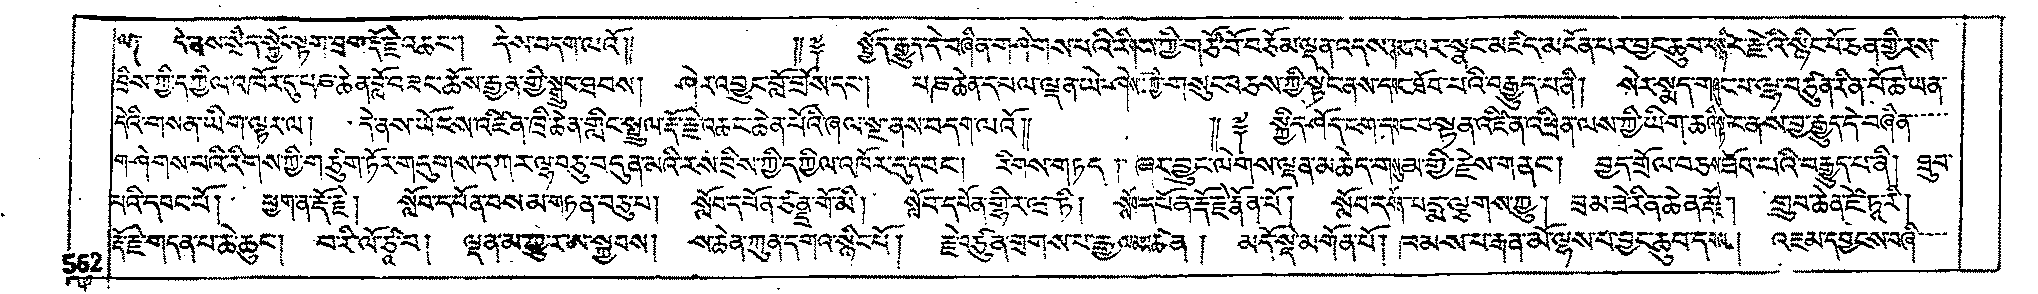ལ༑ དེ་ནས་སྲིད་སྐྱོང་སྟག་བྲག་རྡོ་རྗེ་འཆང་། དེས་བདག་ལའོ།། །། འ་སྤྱོད་རྒྱུད་དེ་བཞིན་གཤེགས་པའི་རིགས་ཀྱི་གཙོ་བོ་བཅོམ་ལྡན་འདས་རྣམ་པར་སྣང་མཛད་མངོན་པར་བྱང་ཆུབ་པ་སྙིང་རྗེའི་སྙིང་པོ་ཅན་གྱི་རས་
བྲིས་ཀྱི་དཀྱིལ་འཁོར་དུ་པཎ་ཆེན་བློ་བཟང་ཆོས་རྒྱན་གྱི་སྒྲུབ་ཐབས། ཤེར་འབྱུང་བློ་གྲོས་དང་། པཎ་ཆེན་དཔལ་ལྡན་ཡེ་ཤེས་ཀྱི་གསུང་བཅས་ཀྱི་སྟེང་ནས་དབང་ཐོབ་པའི་བརྒྱུད་པ་ནི། སེར་སྨད་གཞུང་པ་ལྷ་བཙུན་རིན་པོ་ཆེ་ཡན་
དེའི་གསན་ཡིག་ལྟར་ལ། དེ་ནས་ཡོངས་འཛིན་ཁྲི་ཆེན་གླིང་སྤྲུལ་རྡོ་རྗེ་འཆང་ཆེན་པོའི་ཞལ་སྔ་ནས་བདག་ལའོ།། །། འ་སྐྱིད་ཤོད་ངག་དབང་བསྟན་འཛིན་འཕྲིན་ལས་ཀྱི་ཡིག་ཆའི་སྟེང་ནས་བྱ་རྒྱུད་དེ་བཞིན་
གཤེགས་པའི་རིགས་ཀྱི་གཙུག་ཏོར་གདུགས་དཀར་ལྷ་བཅུ་བདུན་མའི་རས་བྲིས་ཀྱི་དཀྱིལ་འཁོར་དུ་དབང་། རིགས་གཏད། ཞར་བྱུང་ལེགས་ལྡན་མཆེད་གསུམ་གྱི་རྗེས་གནང་། བྱད་གྲོལ་བཅས་ཐོབ་པའི་བརྒྱུད་པ་ནི། ཐུབ་
པའི་དབང་པོ། ཕྱག་ན་རྡོ་རྗེ། སློབ་དཔོན་བསམ་གཏན་བཅུ་པ། སློབ་དཔོན་ཙནྡྲ་གོ་མོ། སློབ་དཔོན་གྷི་ར་ཝ་ཏི། སློབ་དཔོན་རྡོ་རྗེ་རྣོན་པོ། སློབ་དཔོན་པདམ་ལྕགས་ཀྱུ། བྲམ་ཟེ་རིན་ཆེན་རྡོ་རྗེ། གྲུབ་ཆེན་ཛེ་ཏཱ་རི།
རྡོ་རྗེ་གདན་པ་ཆེ་ཆུང་། བ་རི་ལོ་ཙཱ་བ། ལྡན་མ་གྱུར་ཨ་སྐྱབས། ས་ཆེན་ཀུན་དགའ་སྙིང་པོ། རྗེ་བཙུན་གྲགས་པ་རྒྱལ་མཚན། མདོ་སྡེ་མགོན་པོ། ཁམས་པ་རྒན་པོ་ལྷས་པ་བྱང་ཆུབ་དཔལ། འཇམ་དབྱངས་བཞི་